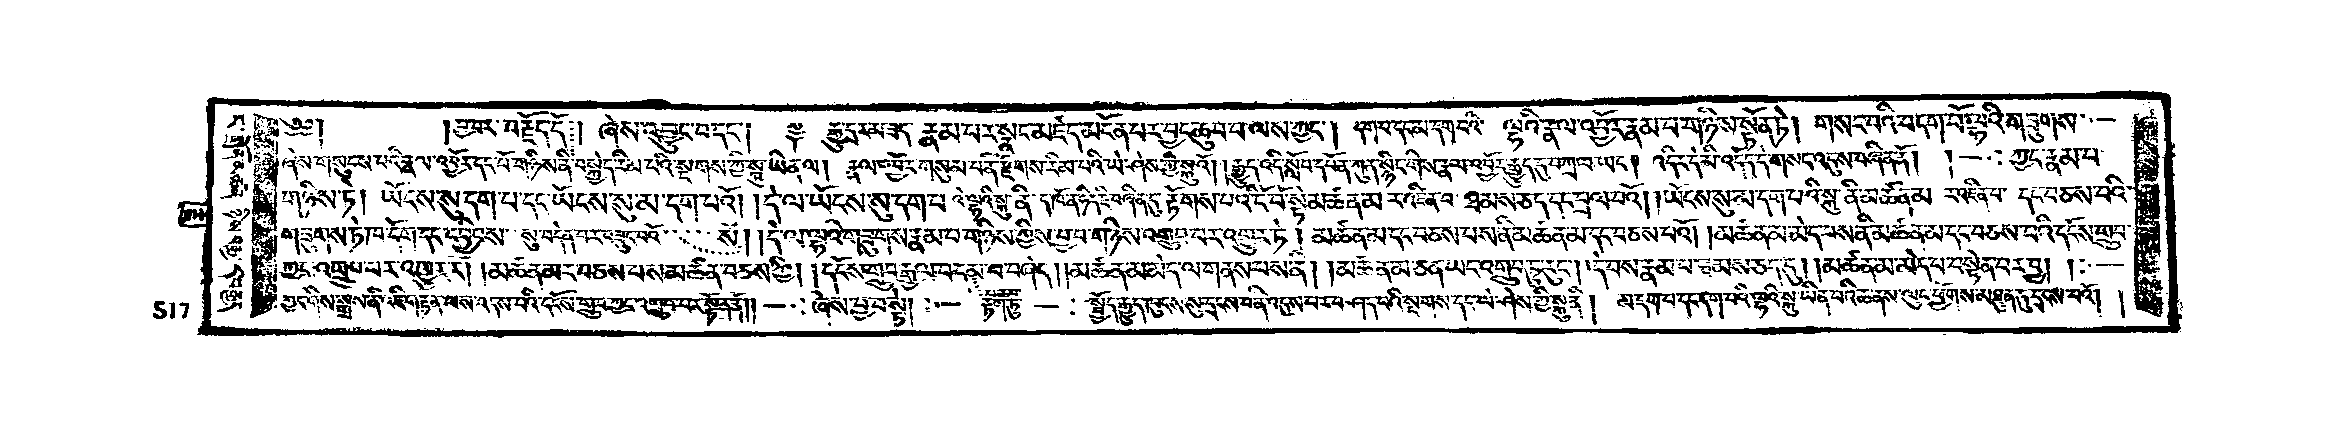༄༅། །བྱ་བར་བརྗོད་དོ། ཞེས་འབྱུང་བ་དང་། ༈ རྒྱུ་དྲར་མ་ཟད་རྣམ་པར་སྣང་མཛད་མངོན་པར་བྱང་ཆུབ་པ་ལས་ཀྱང་། དགེ་བ་དང་མི་དགེ་བའི་ལྷའི་རྣལ་འབྱོར་རྣམ་པ་གཉིས་སྟོན་ཏེ། གསང་བའི་བདག་པོ་ལྷའི་གཟུགས་
ཞེས་གསུངས་པའི་རྣལ་འབྱོར་དང་པོ་གཉིས་ནི་བསྐྱེད་རིམ་པའི་སྔགས་ཀྱི་སྐུ་ཡིན་ལ། རྣལ་འབྱོར་གསུམ་པ་ནི་རྫོགས་རིམ་པའི་ཡེ་ཤེས་ཀྱི་སྐུའོ། །རྒྱུད་འདི་སློབ་དཔོན་ཀུན་སྙིང་གིས་རྣལ་འབྱོར་རྒྱུད་དུ་བཀྲལ་ཡང་། འདིར་དེ་མི་འདོད་དེ་གསང་འདུས་བཞིན་ནོ། ། ཀྱང་རྣམ་པ་
གཉིས་ཏེ། ཡོངས་སུ་དག་པ་དང་ཡོངས་སུ་མ་དག་པའོ། །དེ་ལ་ཡོངས་སུ་དག་པའི་ལྷའི་སྐུ་ནི་དེ་ཁོ་ན་ཉིད་ཇི་བཞིན་དུ་རྟོགས་པའི་ངོ་བོ་སྟེ་མཚན་མར་འཛིན་པ་ཐམས་ཅད་དང་བྲལ་བའོ། །ཡོངས་སུ་མ་དག་པའི་སྐུ་ནི་མཚན་མར་འཛིན་པ་དང་བཅས་པའི་
གཟུགས་ཏེ་ཁ་དོག་དང་དབྱིབས་སུ་བདེན་པར་བཟུང་བའོ་སོ། །དེ་ལ་ལྷའི་གཟུགས་རྣམ་པ་གཉིས་ཀྱིས་བྱ་བ་གཉིས་འགྲུབ་པར་འགྱུར་ཏེ། མཚན་མ་དང་བཅས་པས་ནི་མཚན་མ་དང་བཅས་པའོ། །མཚན་མ་མེད་པས་ནི་མཚན་མ་དང་བཅས་པའི་དངོས་གྲུབ་
ཀྱང་འགྲུབ་པར་འགྱུར་རོ། །མཚན་མར་བཅས་པས་མཚན་བཅས་ཀྱི། །དངོས་གྲུབ་རྒྱལ་བ་དམ་པ་བཞེད། །མཚན་མ་མེད་ལ་གནས་པས་ནི། །མཚན་མ་ཅན་ཡང་འགྲུབ་ཏུ་རུང་། །དེ་བས་རྣམ་པ་ཐམས་ཅད་དུ། །མཚན་མ་མེད་པ་བསྟེན་པར་བྱ། །
ཀྱང་གིས་སྒྲས་ནི་འཇིག་རྟེན་ལས་འདས་པའི་དངོས་གྲུབ་ཀྱང་འགྲུབ་པར་སྟོན་ནོ།།  ཞེས་བྱ་བ་སྟེ། པ་ཚབ་རྟག་ཏུ་སྤྱོད་རྒྱུད་ཁུངས་སུ་དྲངས་པ་ནི་འདུས་པར་བཤད་པའི་སྔགས་དང་ཡེ་ཤེས་ཀྱི་སྐུ་ནི། མ་དག་པ་དང་དག་པའི་ལྷའི་སྐུ་ཡིན་པའི་ཆ་ནས་ལུང་ཕྱོགས་མཐུན་དུ་དྲངས་པའོ། །